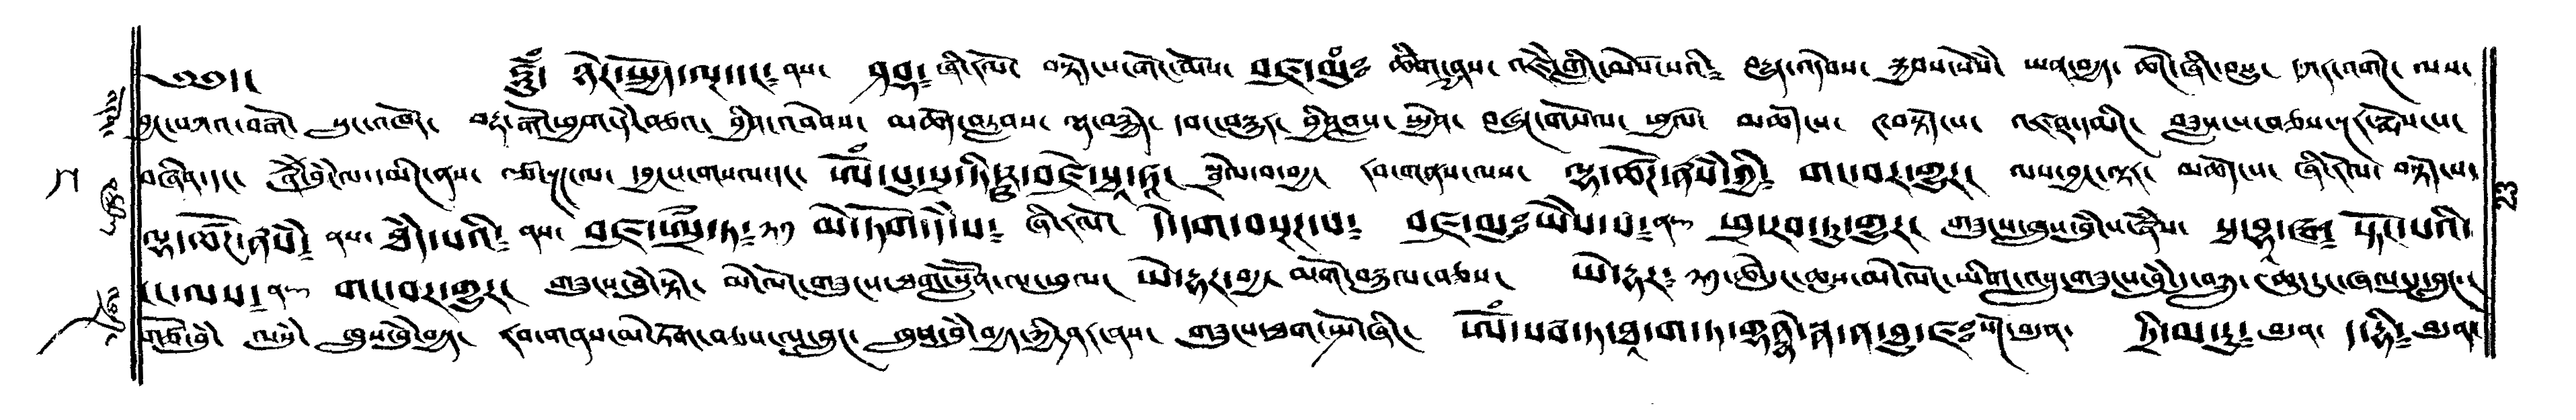ཧཱུྃ༔ ཉེར་སྤྱོད་ལྔ་དང༴ ནས། ཤབྡ༴ ཞི་རོལ། བསྟོད་པ་གོང་སྨོས། བཛྲ་མུཾཿ ཚིག་བདུན་གསོལ་འདེབས། འཛམ་གླིང་མཛེས་པའི། བརྒྱུད་འདེབས། སྐྱབས་སེམས། ཡན་བརྒྱད། ཚོགས་ཞིང་བསྡུ། དཀར་བགེགས། ལས་
བྱང་བཀའ་བསྒོ། སྲུང་འཁོར། བརྡ་སྒོ་ཕྱག་དམ་བཅའ། བྱིན་འབེབས། མཆོད་རླབས། ལྷ་སྐྱེད། དབང་སྐུར། བྱིན་རླབས། སྤྱན་འདྲེན། བཞུགས་གསོལ། ཕྱག་འཚལ། མཆོད་པ། བསྟོད་པ། འཛབ་དམིགས། བཟླས་པ་བཅས་སྔར་སྨོས་པ་
བཞིན་དང་། རྣམ་བུམ་ལ་དམིགས་ནས། རྩ་སྔགས་ལ་དབྱངས་གསལ་དང་། ཨོཾ་སུ་པྲ་ཏིཥྛ་བཛྲ་ཡེ་སྭ་ཧཱ༔ སྦྲེལ་བ་བརྒྱ། རབ་གནས་ལས། ལྷ་ཚོགས་རྣམས་ཀྱི༴ གང་བར་གྱུར༔ ལས་བྱང་ལྟར། མཆོད་པ། ཞི་རོལ། བསྟོད་པ། 
ལྷ་ཚོགས་རྣམས༴ ནས། ཐམས་ཅད་པའི༴ ནས། བཛྲ་ཨ་མྲི་ཏ༴ ཉེར་གཅིག མེ་ཏོག་དམ་པ༴ཞི་རོལ། དེ་དག་བསྔགས་པ༴ བཛྲ་མུཿཡེ་ཤེས་པ༴ ནས། ཕྲ་རབ་ཏུ་གྱུར། གཟུངས་ཁྲུས་བུམ་པ་རྣམས། སྭ་བྷཱ་ཝ༴ སྟོང་པའི་
ངང་ལས༴ ནས། གང་བར་གྱུར། གཟུངས་བུམ་སྟེང་གི་མེ་ལོང་གཟུངས་ཐག་སློབ་དཔོན་ལ་ཕུལ། ཡེ་རྡར་བརྒྱ། མགོ་བསྐུལ་བཅས། ཡེ་རྡར་༴ ཉེར་གཅིག་སོང་ཚེ་དུང་ཆུས་མེ་ལོང་ཡིག་འབྲུ་གཟུངས་བུམ་དུ་བཀྲུ། ཆུ་དུང་ཞལ་དུ་བླུག 
གཙོ་བུམ། ལས་བུམ། ཁྲུས་བུམ་བརྒྱད། རབ་གནས་མེ་ཏོག་བཅས་ལ་བླུགས། ཁྲུས་བུམ་བརྒྱད་ཀྱི་ཤར་ནས། གཟུངས་ཐག་སྤོ་ཞིང་། ཨོཾ་སརྦ་ཏ་ཐཱ་ག་ཏ་གྷནྡྷེ་སྣ་ཐུ་ཛཿ སོགས་བདུན། ཏྲི་མ་རུ༴ བདུན། ད་དྷི༴ བདུན།